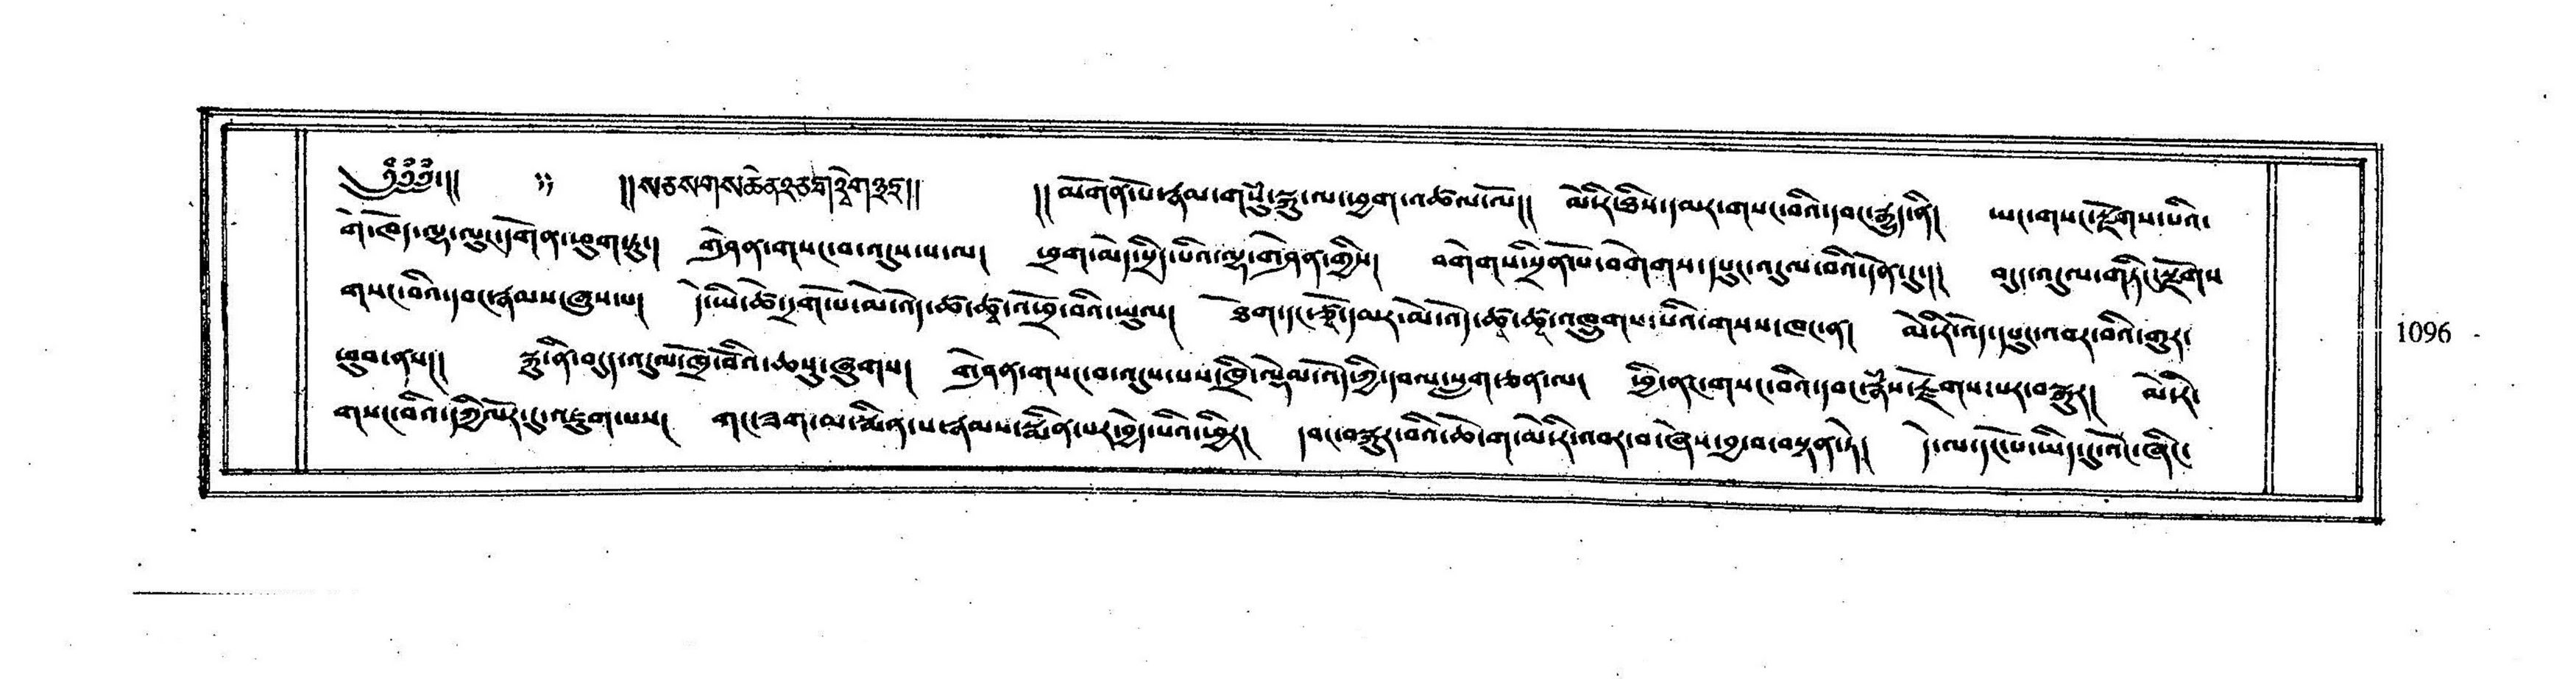{1114}༄༅༅།། །།སཅསགསཆེན༢ཅ་་ག༣ཧྲ།། །།མགོན་པོ་རྣམ་གསུམ་སྐུ་ལ་ཕྱག་འཚལ་ལོ།། མེ་རི་ཐིས་དམར་གསང་བའི་དབང་རྒྱུད་ནི། ཡང་གསང་རྫོགས་པའི་
གེ་ཁོད་ལྷ་ལུང་དགོན་ཕུག་ཏུ། གཤེན་གསང་བ་འདུས་པ་ལ། ཕྲག་མེད་སྲིད་པའི་ལྷ་གཤེན་གྱིས། བགེགས་སྲིན་པོ་བགེགས་དཔུང་འདུལ་བའི་དོན་དུ། བདུད་འདུལ་གཏིང་རྫོགས་
གསང་བའི་དབང་རྣམས་ཞུས་པ། དེ་ཡི་ཚེ་དྲག་པོ་མེ་འོད་ཚ་ཚྭ་འཕྲོ་བའི་ཡུལ། ཐོག་དང་ཙྭོ་དམར་མེ་འོད་ཚྭ་ཚྭ་འཁྲུགས་པའི་གསས་ཁང་ན། མེ་རི་འོད་དཔུང་འབར་བའི་གུར་
ཕུབ་ནས།། སྐུ་ནི་བདུད་འདུལ་ཁྲོ་བོའི་ཆས་སུ་ཞུགས། གཤེན་གསང་བ་འདུས་པས་ཁྲི་ལྡེམ་འོད་ཀྱི་དབལ་སླག་ཅན་ལ། ཕྱི་ནང་གསང་བའི་དབང་རྣམས་རྫོགས་པར་བསྐུར། མེ་རི་
གསང་བའི་དཀྱིལ་འཁོར་དུ་འཇུག་པས། གང་ཟག་མ་སྨིན་པ་རྣམས་སྨིན་པར་{1115}བྱེད་པའི་ཕྱིར། དབང་བསྐུར་བའི་ཆོ་ག་མེ་རི་འབར་བ་ཞེས་བྱ་བ་བསྟན་ཏེ། དེ་ལ་དང་པོ་ཡིད་དུ་འོང་ཞིང་